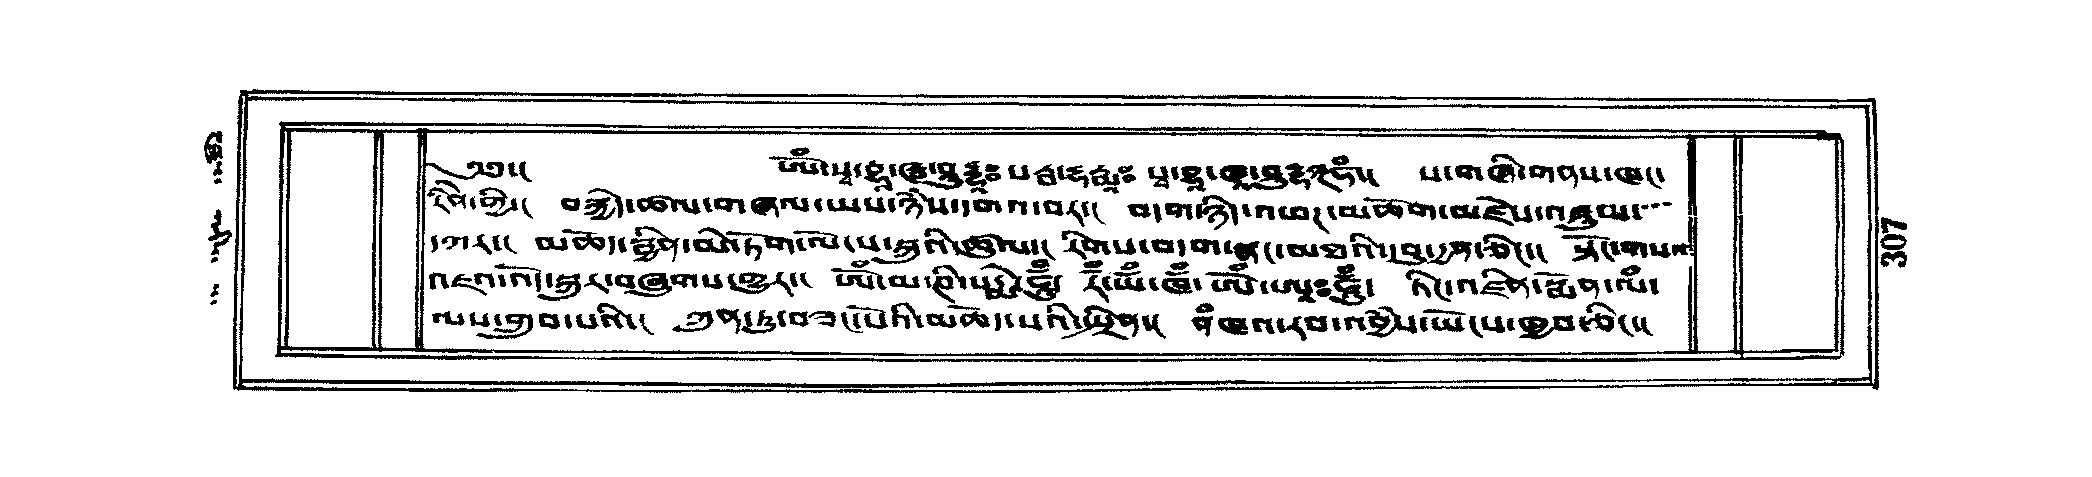ཨོྃ་སྭ་བྷཱ་ཝ་ཤུདྡྷཱ་སརྦ་དྷརྨཱཿསྭ་བྷཱ་ཝཱ་ཤུདྡྷ་ཉཧཾ། ས་གཞི་གནས་ཁང་
རིན་ཆེན་གྱི། །སྐྱེས་ཚལ་གཞལ་ཡས་ཉམས་དགའ་བར། །བདག་ཉིད་འཕགས་མཆོག་མཛེས་འཛུམ་
དཀར། །མཆོད་སྦྱིན་མེ་ཏོག་ལོངས་སྐུའི་ཚུལ། །རིགས་བདག་སྣང་མཐའི་དབུ་རྒྱན་ཅིང་། །སྟོང་གསལ་
འཇའ་འོད་སྐུར་བཞུགས་གྱུར། །ཨོྃ་མ་ཎི་པདྨེ་ཧཱུྃ། རྃ་ཡྃ་ཁྃ་ཨོྃ་ཨཱཿཧཱུྃ། ཏིང་འཛིན་སྨོན་ལམ་
ལས་གྲུབ་པའི། །ཀུན་ཏུ་བཟང་པོའི་མཆོད་པའི་སྤྲིན། །ནམ་མཁའ་རབ་འབྱམས་ཡོངས་ཁྱབ་ཅིང་། །